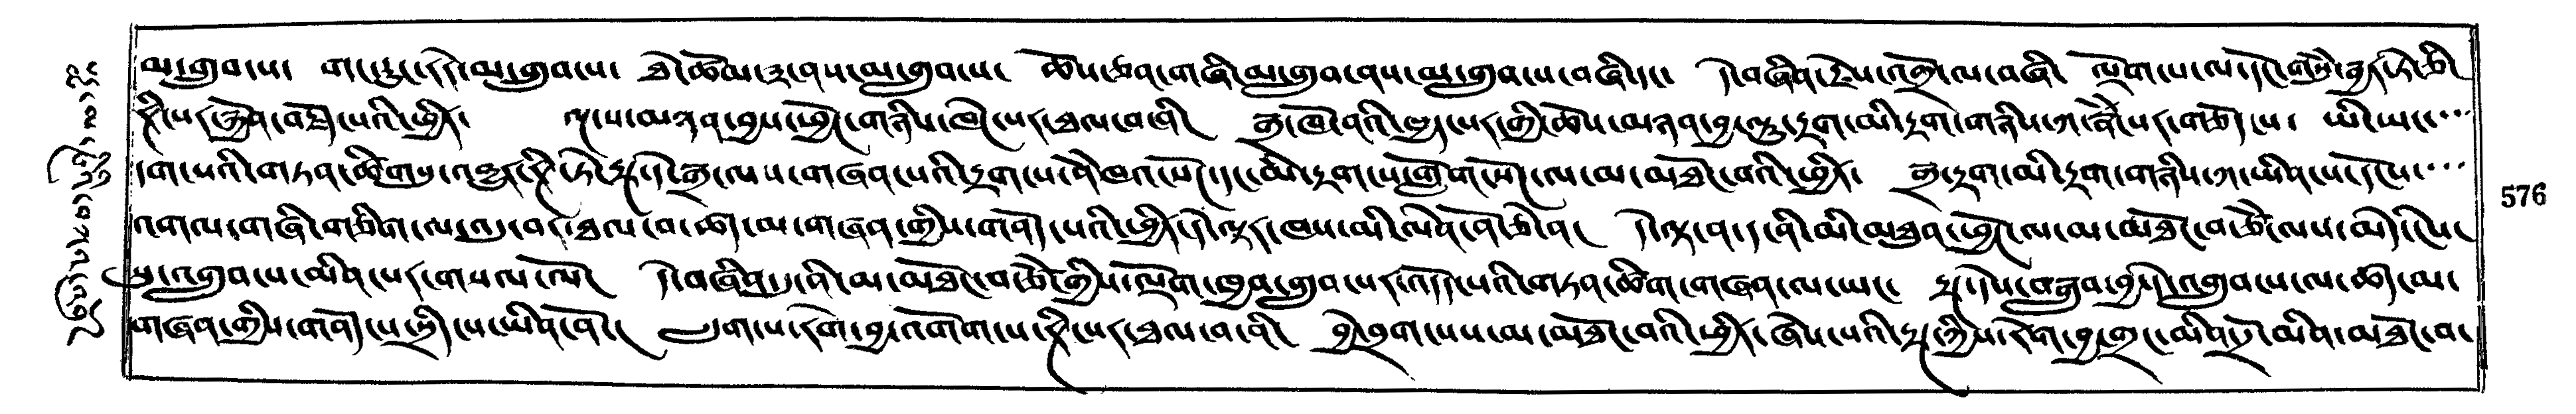མ་གྲུབ་པ། གང་རུང་རེར་མ་གྲུབ་པ། ཐེ་ཚོམ་ཟ་ནས་མ་གྲུབ་པ། ཆོས་ཅན་གཞི་མ་གྲུབ་ནས་མ་གྲུབ་པ་བཞི་དང་། དེ་བཞིན་རྗེས་འགྲོ་ལ་བཞི། ལྡོག་པ་ལ་དང་པོ་གསུམ་སྦྱར་ཏེ་ཅི་
རིགས་པར་སྐྱོན་བརྗོད་པའི་ཕྱིར། ལྔ་པ་མཉན་བྱས་ཕྱོགས་གཉིས་ཁེགས་པར་ཐལ་བ་ནི། སྒྲ་ཁོ་ནའི་ཁྱད་པར་གྱི་ཆོས་མཉན་བྱ་ལྟ་བུ་རྟག་མི་རྟག་གཉིས་ཀ་རྣམ་པར་གཅོད་པའི་ཡི་ཡང་
དག་པའི་གཏན་ཚིགས་སུ་འགྱུར་རིགས་ཏེ་རྟགས་དེ་སྒྲ་ལས་གཞན་པའི་རྟག་པ་ནམ་མཁའ་སོགས་དང་མི་རྟག་པ་གློག་སོགས་ལ་མ་མཐོང་བའི་ཕྱིར། སྒྲ་རྟག་མི་རྟག་གཉིས་ཀ་ཡིན་པ་དངོས་
འགལ་གཞི་གཅིག་ལ་འདུ་བར་ཐལ་བ་ཚད་མ་གཞན་གྱིས་གནོད་པའི་ཕྱིར་དེ་ལྟར་ཁས་མི་ལེན་ནོ་ཞེ་ན། དེ་ལྟ་ན་ད་ནི་མི་མཐུན་ཕྱོགས་ལ་མ་མཐོང་བ་ཙམ་ལས་མེད་ངེས་
སུ་འགྲུབ་པ་མིན་པར་གསལ་ལོ།། དེ་བཞིན་དུ་ནི་མ་མཐོང་བ་ཙམ་གྱིས་ལྡོག་ཁྱབ་གྲུབ་པར་འདོད་པའི་གཏན་ཚིགས་གཞན་ལ་ཡང་། རྟགས་དེས་བསྒྲུབ་བྱ་དེ་འགྲུབ་པ་ལ་ཚད་མ་
གཞན་གྱིས་གནོད་པ་སྲིད་པ་ཡིན་ནོ།། དྲུག་པ་རེག་བྱ་འགོག་པ་རིགས་པར་ཐལ་བ་ནི། བྱེ་བྲག་པས་མ་མཐོང་བའི་ཕྱིར་ཞེས་པའི་རྟགས་ཀྱིས་རེག་བྱ་གྲང་མིན་དྲོ་མིན་མཐོང་བ་